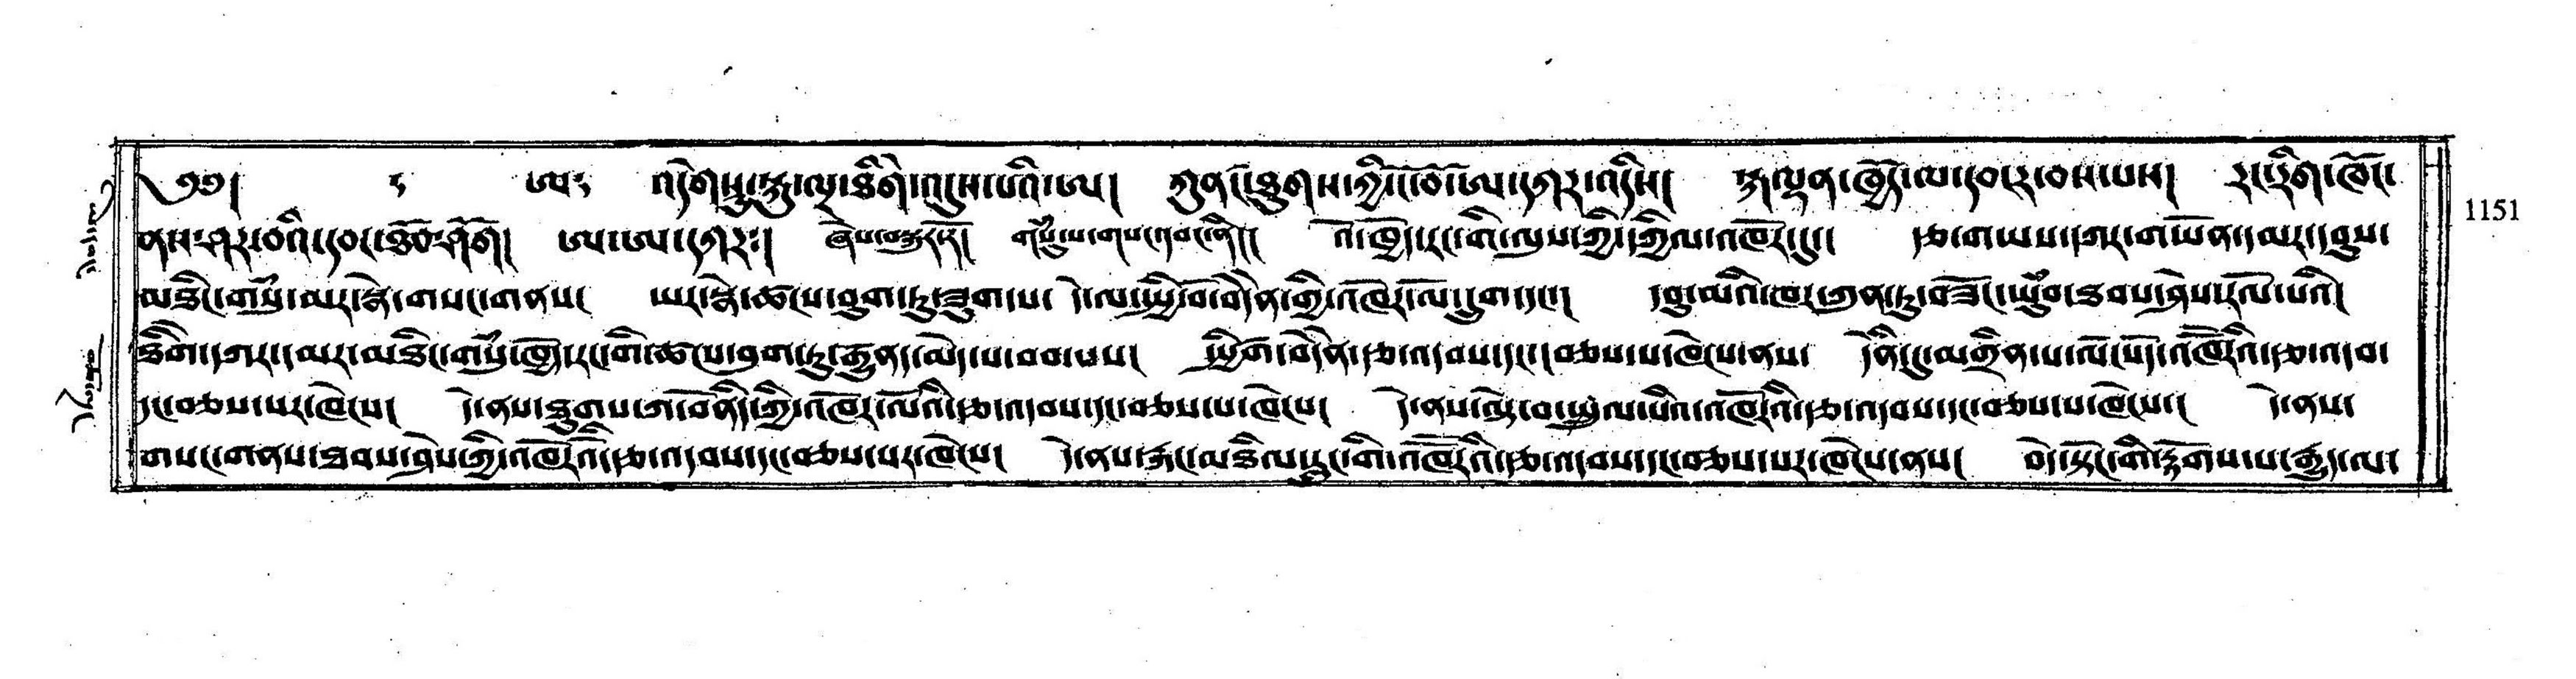ཨ། འདེགས་སུ་སྐུ་ལྔ་ཐིག་ལེ་འདུས་པའི་ཨ། ཀུན་བཟང་ཐུགས་ཀྱི་ངོ་བོ་ཨ་དཀར་འདིས། སྐལ་ལྡན་ཁྱོད་ལ་དབང་བསྐུར་བས། རང་རིག་ཁོང་
ནས་ཤར་བའི་དབང་ཐོབ་ཤོག ཨ་ཨ་དཀར༴། ཞེས་བསྐུར་རོ། གསུམ་པ་གསང་དབང་ནི།། འོ་ཁྱོད་རང་གི་ལུས་ཀྱི་དཀྱིལ་འཁོར་དུ། རྩ་གཡས་དཀར་གཡོན་དམར་དབུས་
མཐིང་གསུམ་མར་སྣེ་གསང་གནས། ཡར་སྣེ་ཚངས་བུག་ཏུ་ཟུག་པ་དེ་ལ་སྤྱི་བོ་བདེ་ཆེན་གྱི་འཁོར་ལོ་དྲུག་དང་། དབུ་མའི་ཁར་ཀུན་ཏུ་བཟང་པོ་ཡབ་ཡུམ་ཐབས་ཤེས་རོལ་པའི། 
ཐིག་ལེ་དཀར་དམར་མཐིང་གསུམ་ཁྱོད་རང་གི་ཚངས་བུག་ཏུ་རྒྱུན་ཆད་མེད་པ་བབ་པས། སྤྱི་གཙུག་བདེ་ཆེན་རྩ་འདབས་དང་བཅས་པ་ཁེངས་ནས། དེ་བཞིན་དུ་མགྲིན་པ་ལོངས་སྤྱོད་འཁོར་ལོའི་རྩ་འདབ་
དང་བཅས་པར་ཁེངས། དེ་ནས་ཐུགས་ཀ་བོན་ཉིད་ཀྱི་འཁོར་ལོའི་རྩ་འདབས་དང་བཅས་པ་ཁེངས། དེ་ནས་ལྟེ་བ་སྤྲུལ་པའི་འཁོར་ལོའི་རྩ་འདབས་དང་བཅས་པ་ཁེངས། དེ་ནས་
གསང་གནས་ཐབས་ཤེས་ཀྱི་འཁོར་ལོའི་རྩ་འདབས་དང་བཅས་པར་ཁེངས། དེ་ནས་རྐང་མཐིལ་རླུང་གི་འཁོར་ལོའི་རྩ་འདབས་དང་བཅས་པར་ཁེངས་ནས། བདེ་སྟོང་གི་རྟོགས་པ་རྒྱུད་ལ་